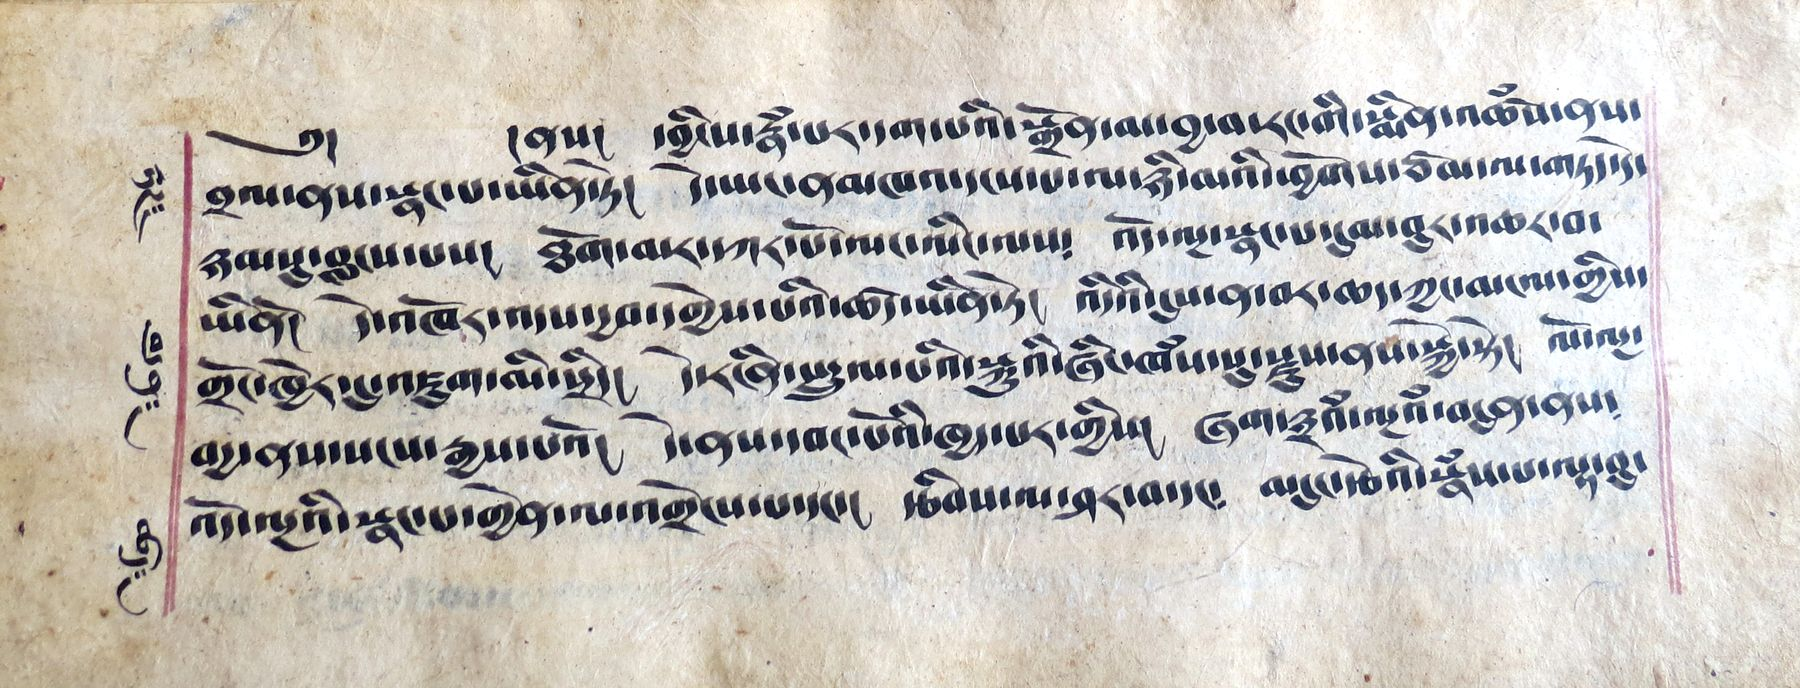ན། དབྱིངས་རྣམ་པར་དག་པའི་སྒྲོན་མ་བྱ་བ། རང་གི་སྨིན་མཚམས་ནས་
བྲལ་ནས་སྣང་བ་ཡིན་ཏེ། དེ་ཡང་ནམ་མཁའ་དྭངས་པ་ལ་ཉི་མའི་ཕྱོགས་ཙམ་ལ་གཏད་དེ་
ཉམས་སུ་བླངས་པས། ཐོག་མར་དཀར་པོ་ལང་ལིང་ལས། འོད་ལྔ་སྣང་བ་དུམ་བུར་འཆར་བ་
ཡིན་ནོ། །དེ་འཁོར་འདས་རྒྱབ་གྱེས་པའི་ཚད་ཡིན་ཏེ། འདིའི་དུས་ན་བར་ཆད་ཀྱང་། མངལ་གྱི་
གྲོང་ཁྱེར་དུ་འཇུག་མི་སྲིད་དེ། རང་བཞིན་སྤྲུལ་པ་སྐུའི་ཞིང་ཁམས་སུ་རྫུས་ནས་སྐྱེ་ཏེ། ལོ་ལྔ་
བརྒྱ་ནས་སངས་རྒྱའོ། །དེ་ནས་དབང་པོའི་ཁྱད་པར་གྱིས། ཞག་གསུམ་མམ་ལྔའམ་བདུན་ན། 
འོད་ལྔའི་སྣང་བ་གྱེན་ལ་འབྲེང་པ་དང་། རྩིབས་ལ་ཤར་བ་དང་། མདུང་རྩེའི་རྣམ་པ་ལྟ་བུ་